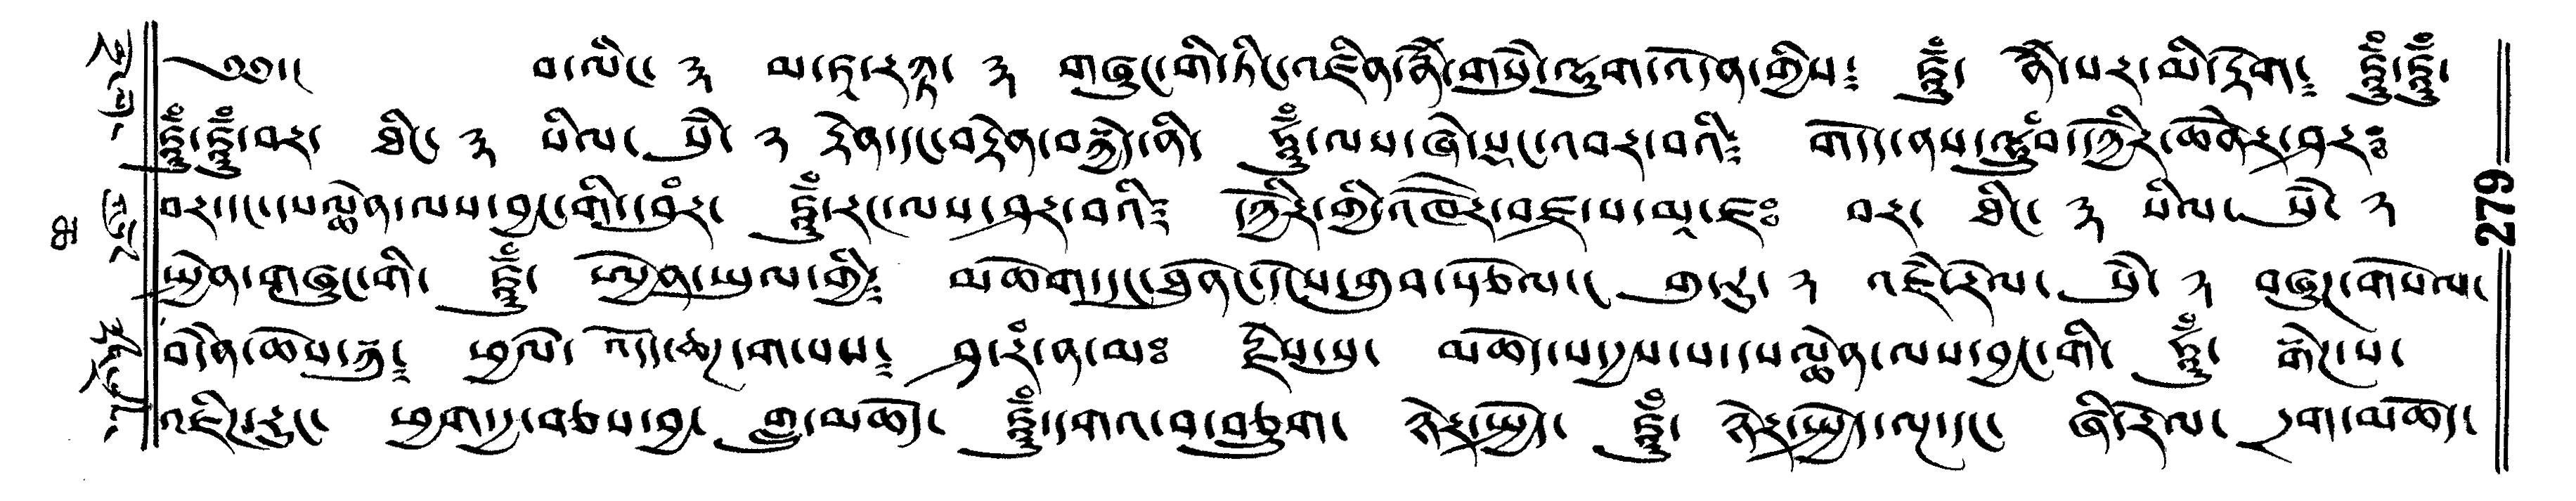བ་ལིངྟ༴ གསུམ། མ་ཧཱ་རཀྟ༴ གསུམ། གཞུང་གི་ཏིང་འཛིན་རྣམ་གསུམ་ལྷུག་འདོན་གྱིས། ཧཱུྃ༔ རྣམ་པར་མི་རྟོག༴ ཧཱུྃ་ཧཱུྃ་
ཧཱུྃ་ཧཱུྃ༔ བར། ཐིང་གསུམ། སིལ། སུམ་གཉིས། རྟེན་དང་བརྟེན་བསྐྱེད་ནི། ཧཱུྃ་ལས་ཞེ་སྡང་འབར་བའི༴ ནས། གདོད་ནས་ལྷུན་གྲུབ་དཀྱིལ་འཁོར་ཆེན་པོར་ཤར༔ 
བར་དང་དཔལ་ཆེན་ལས་བྱང་གི་དབང་བསྐུར། ཧཱུྃ༔རང་ལས་ཤར་བའི༴ དཀྱིལ་འཁོར་གྱི་འཁོར་ལོ་བཛྲ་ས་མཱ་ཧ་ཛཿ བར། ཐིང་གསུམ། སིལ། སུམ་གཉིས། 
སྤྱན་འདྲེན། གཞུང་གི ཧཱུྃ༔ ཨོ་རྒྱན་ཡུལ་གྱི༴ མཆོག་དང་ཐུན་མོང་དངོས་གྲུབ་སྩོལ༔གུ་རུ༴ གཉིས། འཇམ་རོལ། སུམ་གཉིས། བཞུགས་གསོལ། 
བདེ་ཆེན་ཆོས་སྐུ༴ ཕྱག་འཚལ། འདོད་ཆགས་དག་པས༴ ཤྲཱི་ན་མ༔ རྗེས་སུ། མཆོད་པ་རྒྱས་པ་དཔལ་ཆེན་ལས་བྱང་གི ཧཱུྃ༔ སྒེག་པ་
འཇིགས་རུང༴ ཕྱག་རྒྱ་བཅས་བྱ། གླུ་མཆོད། ཧཱུྃ༔དགའ་བ་བཅུ་དྲུག༴ ཉེར་སྤྱོད། ཧཱུྃ༔ ཉེར་སྤྱོད་ལྔ་དང༴ ཞི་རོལ། དྲག་མཆོད།